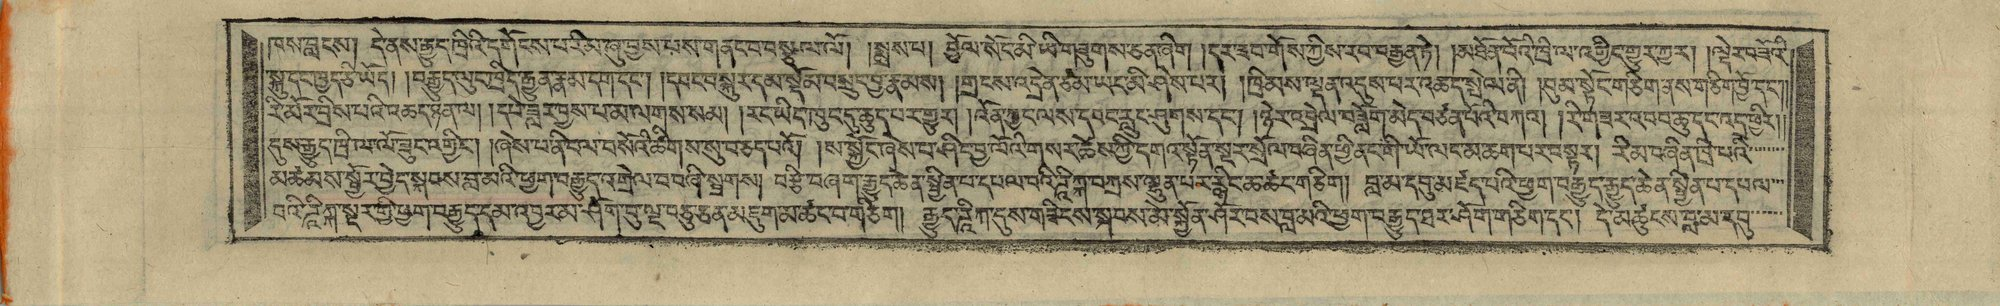ཁས་བླངས། དེ་ནས་རྒྱུད་ཁྲིའི་དགོངས་པ་རིམ་ཞུ་བྱས་པས་གནང་བ་བསྩལ་ལོ། །སྨྲས་པ། བྱོལ་སོང་མི་ཡི་གཟུགས་ཅན་ཞིག །དར་ཟབ་གོས་ཀྱིས་རབ་བརྒྱན་ཏེ། །མཐོན་པོའི་ཁྲི་ལ་འགྱིང་གྱུར་ཀྱར། །ལྡེར་བཟོའི་
སྐུ་དང་ཁྱད་ཅི་ཡོད། །བརྒྱུད་ལུང་ཁྲིད་རྒྱུན་རྣམ་དག་དང་། །དབང་བསྐུར་དམ་སྡོམ་བསྲུང་བྱ་རྣམས། །གྲངས་འདྲེན་ཙམ་ཡང་མི་ཤེས་པར། །ཁྲིམས་ལྡན་འདུས་པར་འཆད་སྤེལ་ནི། །བུམ་སྟོང་གཅིག་ནས་གཅིག་བྱོ་དང་། །
རི་མོར་བྲིས་པའི་འཆད་ཉན་ལ། །དཔེ་ཟླར་བྱས་པ་མ་ལགས་སམ། །རང་ཡིད་ཁུང་དུ་ཆུད་པར་གྱུར། །འོན་ཀྱང་ལས་དབང་རླུང་ཤུགས་དང་། །ཉེར་འབྲེལ་བཟློག་མེད་བཙན་པོའི་བཀའ། །རི་གཟར་འབབ་ཆུ་དང་འདྲ་ཕྱིར། །
དུས་རྒྱུད་ཁྲི་ལ་ལོ་ཟུང་འགྱིང་། །ཞེས་པ་ནི་ངལ་བསོའི་ཚིགས་སུ་བཅད་པའོ། །ས་སྐྱོང་ཞེས་པ་ཤིང་བྱ་ལོའི་གསར་ཚེས་ཀྱི་དགའ་སྟོན་སྔར་སྲོལ་བཞིན་ཕྱི་ནང་གི་ཡོ་ལང་མ་ཆག་པར་བསྟར། རིམ་བཞིན་ཁྲི་པའི་
མཚམས་སྦྱོར་བྱེད་སྐབས་བླ་མའི་ཕྱག་བརྒྱུད་འགྲེལ་བ་བཞི་སྦྲགས། བརྩི་བཞག་རྒྱུད་ཆེན་སྦྱིན་པ་དཔལ་བའི་ཌཱི་ཀྐ་བཀྲས་ལྷུན་པར་རྙིང་ཆ་ཚང་གཅིག །བླ་མ་དབུ་མཛད་པའི་ཕྱག་བརྒྱུད་རྒྱུད་ཆེན་སྦྱིན་པ་དཔལ་
བའི་ཌཱི་ཀྐ་སྔར་གྱི་ཕྱག་བརྒྱུད་དམ་འབྱར་མ་ཤོག་བུ་ལྔ་བཅུ་ཅན་མཇུག་མ་ཚང་བ་གཅིག །རྒྱུད་ཌཱིཀ་དུས་གཟིངས་སྐབས་མེ་སྐྱོན་ཤོར་བས་བླ་མའི་ཕྱག་བརྒྱུད་ཐར་ཤོག་གཅིག་དང་། དེ་མཚུངས་བླ་མ་དབུ་